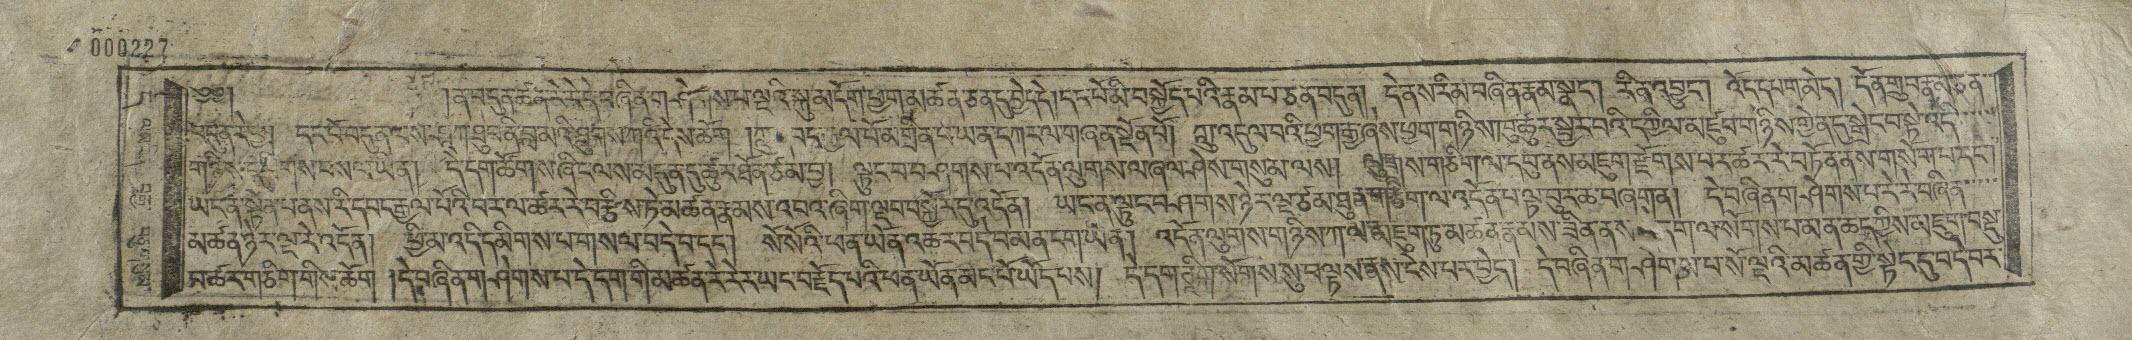༄༅། །ན་བདུན་ཚན་རེ་རེ་དེ་བཞིན་གཤེགས་པ་ལྔའི་སྐུ་མདོག་ཕྱག་མཚན་ཅན་དུ་བྱེད་དེ། དང་པོ་མི་བསྐྱོད་པའི་རྣམ་པ་ཅན་བདུན། དེ་ནས་རིམ་བཞིན་རྣམ་སྣང་། རིན་འབྱུང་། འོད་དཔག་མེད། དོན་གྲུབ་རྣམ་ཅན་
བདུན་རེ་བྱ། དང་པོ་བདུན་ལས་ཤཱཀ་ཐུབ་ནི་བླ་མའི་ཐུགས་ཀའི་དེས་ཆོག །ཀླུ་དབང་རྒྱལ་པོ་མགྲིན་པ་ཡན་དཀར་ལ་གཞན་སྔོན་པོ། ཀླུ་འདུལ་བའི་ཕྱག་རྒྱ་ཞེས་ཕྱག་གཉིས་ཁུ་ཚུར་སྦྱར་བའི་དཀྱིལ་མཛུབ་གཉིས་གྱེན་དུ་སྒྲེང་བ་སྟེ་འདི་
གཉིས་དམིགས་བསལ་ཡིན། དེ་དག་ཚོགས་ཞིང་ལས་མདུན་དུ་ཚུར་ཐོན་ཙམ་བྱ། ལྟུང་བ་བཤགས་པ་འདོན་ལུགས་ལ་ཞལ་ཤེས་གསུམ་ལས། ལུགས་གཅིག་ལ་དབུ་ནས་མཇུག་རྫོགས་པར་ཚར་རེ་བཏོན་ནས་གསོག་པ་དང་།
ཡང་ན་སྟོན་པ་ནས་རི་དབང་རྒྱལ་པོའི་བར་ལ་ཚར་རེ་བརྩིས་ཏེ་མཚན་རྣམས་འབའ་ཞིག་ལྡབ་བསྐྱོར་དུ་འདོན། ཡང་ན་ལྟུང་བཤགས་ཉེར་ལྔ་ཙམ་ཐུན་གཅིག་ལ་འདོན་པ་ལྟ་བུར་ཆ་བཞག་ན། དེ་བཞིན་གཤེགས་པ་རེ་རེ་བཞིན་
མཚན་ཉེར་ལྔ་རེ་འདོན། ཕྱི་མ་འདི་དམིགས་པ་གསལ་བདེ་བ་དང་། སོ་སོའི་ཕན་ཡོན་འཆར་བདེ་བ་མན་ངག་ཡིན། འདོན་ལུགས་གཉིས་ཀ་ལ་མཇུག་ཏུ་མཚན་རྣམས་ཟིན་ནས་དེ་དག་ལ་སོགས་པ་མན་ཆད་ཀྱིས་མཇུག་བསྡུ་
བ་ཚར་གཅིག་གིས་ཆོག །དེ་བཞིན་གཤེགས་པ་དེ་དག་གི་མཚན་རེ་རེར་ཡང་བརྗོད་པའི་ཕན་ཡོན་མང་པོ་ཡོད་པས། དེ་དག་ཊཱིཀྐ་སོགས་སུ་བལྟས་ནས་ངེས་པར་བྱེད། དེ་བཞིན་གཤེགས་པ་སོ་ལྔའི་མཚན་གྱི་སྟེང་དུ་བདེ་བར་